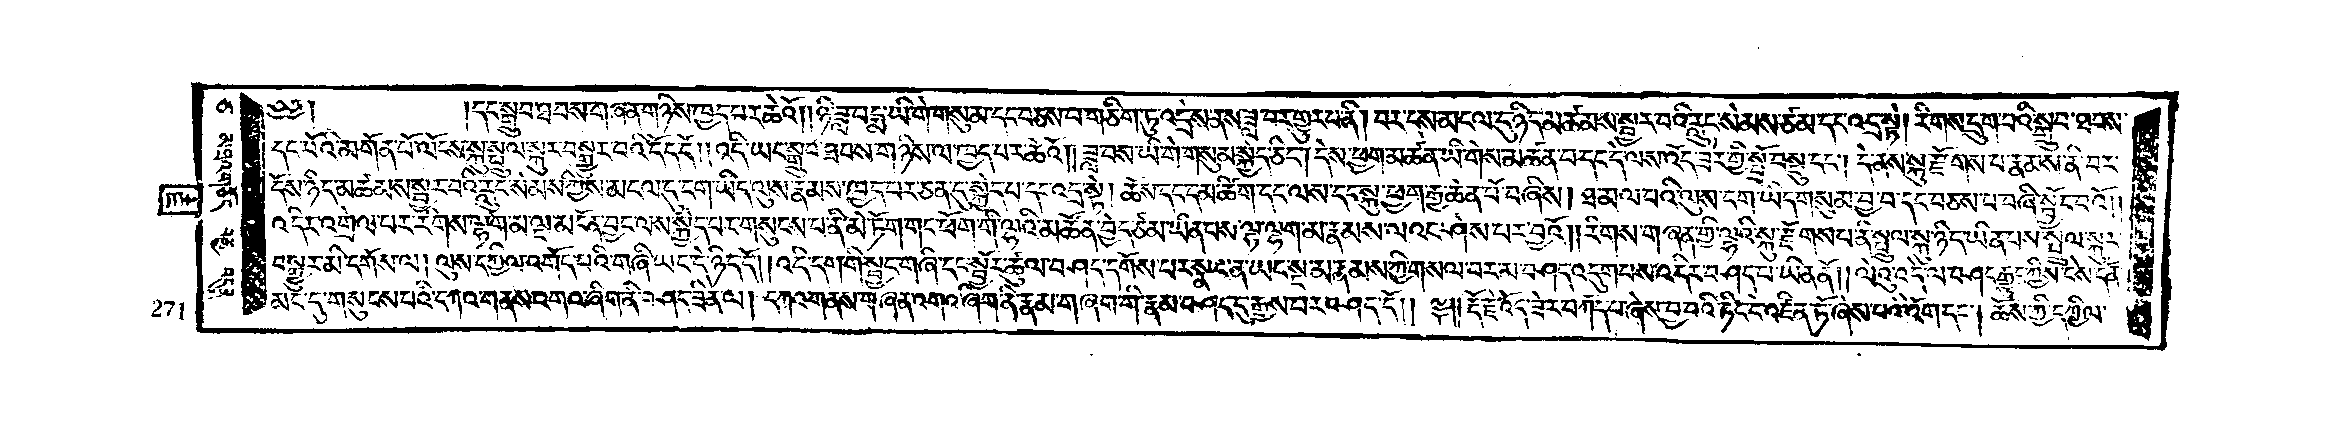༄༅། །དང་སྒྲུབ་ཐབས་གཞན་གཉིས་ཁྱད་པར་ཆེའོ། །ཉི་ཟླ་པདམ་ཡི་གེ་གསུམ་དང་བཅས་པ་གཅིག་ཏུ་འདྲེས་ནས་ཟླ་བར་གྱུར་པ་ནི། བར་དས་མངལ་དུ་ཉིད་མཚམས་སྦྱར་བའི་རླུང་སེམས་ཙམ་དང་འདྲ་སྟེ། རིགས་དྲུག་པའི་སྒྲུབ་ཐབས་
དང་པོའི་མགོན་པོ་ལོངས་སྐུ་སྤྲུལ་སྐུར་བསྒྱུར་བའི་དོད་དོ། །འདི་ཡང་སྒྲུབ་ཐབས་གཉིས་ལ་ཁྱད་པར་ཆེའོ། །ཟླ་བས་ཡི་གེ་གསུམ་སྐྱེད་ཅིང་། དེས་ཕྱག་མཚན་ཡི་གེས་མཚན་པ་དང་དེ་ལས་འོད་ཟེར་གྱི་སྤྲོ་བསྡུ་དང་། དེ་ནས་སྐུ་རྫོགས་པ་རྣམས་ནི་བར་
དོས་ཉིང་མཚམས་སྦྱར་བའི་རླུང་སེམས་ཀྱིས་མངལ་དུ་ངག་ཡིད་ལུས་རྣམས་ཁྱད་པར་ཅན་དུ་སྐྱེད་པ་དང་འདྲ་སྟེ། ཆོས་དང་དམ་ཚིག་དང་ལས་དང་སྐུ་ཕྱག་རྒྱ་ཆེན་པོ་བཞིས། ཐ་མལ་པའི་ལུས་ངག་ཡིད་གསུམ་བྱ་བ་དང་བཅས་པ་བཞི་སྦྱོང་བའོ། །
འདིར་འགྲེལ་པར་རིགས་ལྷག་མ་ལྔ་མངོན་བྱང་ལས་སྐྱེད་པར་གསུངས་པ་ནི་མེ་ཏོག་གང་ཕོག་གི་ལྷའི་མཚོན་བྱེད་ཙམ་ཡིན་པས་ལྷ་ལྷག་མ་རྣམས་ལའང་ཤེས་པར་བྱའོ། །རིགས་གཞན་གྱི་ལྷའི་སྐུ་རྫོགས་པ་ནི་སྤྲུལ་སྐུ་ཉིད་ཡིན་པས་སྤྲུལ་སྐུར་
བསྒྱུར་མི་དགོས་ལ། ལུས་དཀྱིལ་འགོད་པའི་གཞི་ཡང་དེ་ཉིད་དོ། །འདི་དག་གི་སྦྱང་གཞི་དང་སྦྱོར་ཚུལ་བཤད་དགོས་པར་སྣང་ན་ཡང་སྔ་མ་རྣམས་ཀྱི་གསལ་བར་མ་བཤད་འདུག་པས་འདིར་བཤད་པ་ཡིན་ནོ། །ལེའུའི་འདི་ལ་བཤད་རྒྱུད་ཀྱིས་ངེས་དོན་
མང་དུ་གསུངས་པའི་དཀའ་གནས་འགའ་ཞིག་ནི་བཤད་ཟིན་ལ། དཀའ་གནས་གཞན་འགའ་ཞིག་ནི་རྣམ་གཞག་གི་རྣམ་བཤད་དུ་རྒྱས་པར་བཤད་དོ།། ༈ །།རྡོ་རྗེ་འོད་ཟེར་བཀོད་པ་ཞེས་བྱ་བའི་ཏིང་ངེ་འཛིན་ཏོ་ཞེས་པའི་འོག་དང་། ཆོས་ཀྱི་དཀྱིལ་